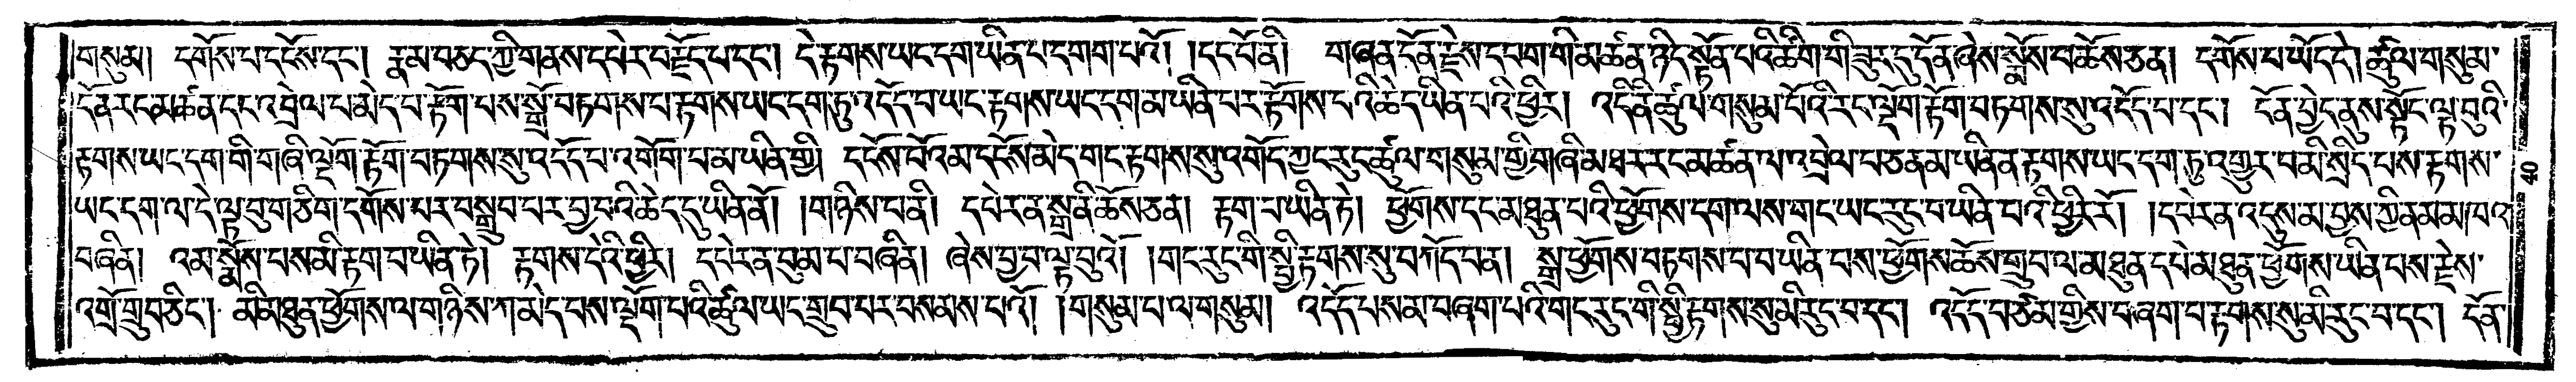གསུམ། དགོས་པ་དངོས་དང་། རྣམ་བཅད་ཀྱི་གནས་དཔེར་བརྗོད་པ་དང་། དེ་རྟགས་ཡང་དག་ཡིན་པ་དགག་པའོ། །དང་པོ་ནི། གཞན་དོན་རྗེས་དཔག་གི་མཚན་ཉིད་སྟོན་པའི་ཚིག་གི་ཟུར་དུ་དོན་ཞེས་སྨོས་པ་ཆོས་ཅན། དགོས་པ་ཡོད་དེ། ཚུལ་གསུམ་
དོན་རང་མཚན་དང་འབྲེལ་པ་མེད་པ་རྟོག་པས་སྒྲོ་བཏགས་པ་རྟགས་ཡང་དག་ཏུ་འདོད་པ་ཡང་རྟགས་ཡང་དག་མ་ཡིན་པར་རྟོགས་པའི་ཆེད་ཡིན་པའི་ཕྱིར་འདི་ནི་ཚུལ་གསུམ་པོའི་རང་ལྡོག་རྟོག་རྟགས་སུ་འདོད་པ་དང་། དོན་བྱེད་ནུས་སྟོང་ལྟ་བུའི་
རྟགས་ཡང་དག་གི་གཞི་ལྡོག་རྟོག་བཏགས་སུ་འདོད་པ་འགོག་པ་མ་ཡིན་གྱི། དངོས་པོའམ་དངོས་མེད་གང་རྟགས་སུ་འགོད་ཀྱང་རུང་ཚུལ་གསུམ་གྱི་གཞི་མཐར་རང་མཚན་ལ་འབྲེལ་པ་ཅན་ཡིན་ན་རྟགས་ཡང་དག་ཏུ་འགྱུར་བ་མི་སྲིད་པས་རྟགས་
ཡང་དག་ལ་དེ་ལྟ་བུ་གཅིག་དགོས་པར་བསྒྲུབ་པར་བྱ་བའི་ཆེད་དུ་ཡིན་ནོ། །གཉིས་པ་ནི། དཔེར་ན་སྒྲ་ནི་ཆོས་ཅན། རྟག་པ་ཡིན་ཏེ། ཕྱོགས་དང་མཐུན་པའི་ཕྱོགས་དག་ལས་གང་ཡང་རུང་བ་ཡིན་པའི་ཕྱིར་རོ། །དཔེར་ན་འདུས་མ་བྱས་ཀྱི་ནམ་མཁའ་
བཞིན། འམ་སྨོས་པས་མི་རྟག་པ་ཡིན་ཏེ། རྟགས་དེའི་ཕྱིར། དཔེར་ན་བུམ་པ་བཞིན། ཞེས་བྱ་བ་ལྟ་བུའོ། །གང་རུང་གི་སྤྱི་རྟགས་སུ་བཀོད་པ་ན། སྒྲ་ཕྱོགས་བཏགས་པ་བ་ཡིན་པས་ཕྱོགས་ཆོས་གྲུབ་ལ་མཐུན་ཕྱོགས་ཡིན་པས་རྗེས་
འགྲོ་གྲུབ་ཅིང་། མི་མཐུན་ཕྱོགས་ལ་གཉིས་ཀ་མེད་པས་ལྡོག་པའི་ཚུལ་ཡང་གྲུབ་པ་བསམས་པའོ། །གསུམ་པ་ལ་གསུམ། འདོད་པས་མ་བཞག་པའི་གང་རུང་གི་རྟགས་སུ་མི་རུང་བ་དང་། འདོད་པ་ཙམ་གྱིས་བཞག་པ་རྟགས་སུ་མི་རུང་བ་དང་། དོན་